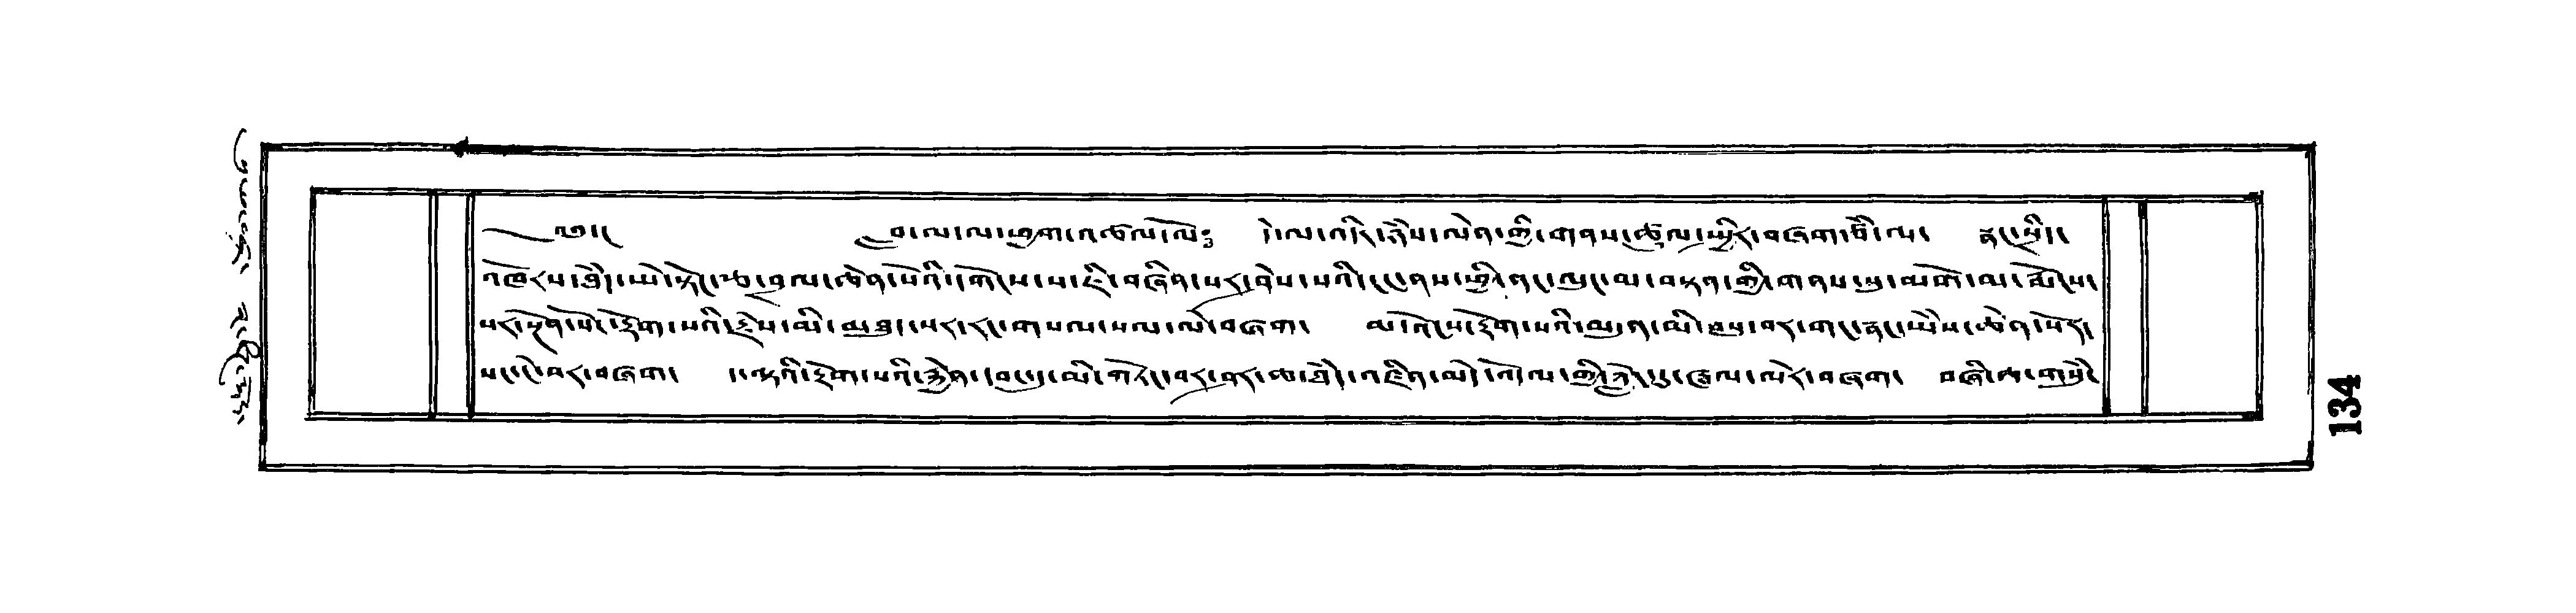བླ་མ་ལ་ཕྱག་འཚལ་ལོ། དེ་ལ་འདིར་ཉམས་ལེན་གྱི་གནས་ཚུལ་སྤྱིར་བཞག་ཙམ་ལ། སྣང་སྲིད་
འཁོར་འདས་ཐམས་ཅད་ཡེ་སྟོང་རྩ་བྲལ་ཆེན་པོའི་དགོངས་པ་ཇི་བཞིན་པར་ཤེས་པའི་ངང་ནས་ཕྱི་ནང་ལུང་མ་བསྟན་གྱི་གནས་སུ་མགོ་མ་རྨོངས་
པར་སྔོན་སོང་རྟོག་པའི་རྗེས་མི་མཐུད་པར་རང་གསལ་སལ་ལེར་བཞག མ་འོངས་རྟོག་པའི་མདུན་མི་བསུ་བར་གང་སྣང་ཡེ་ཤེས་ཆེན་པོར་
སང་ངེ་བར་བཞག ད་ལྟའི་རྟོག་པའི་རྐྱེན་དབང་དུ་མི་གཏོང་བར་ཤར་ཆ་ཐམས་ཅད་འཛིན་མེད་འོད་གསལ་གྱི་ཀློང་དུ་ཝལ་ལེར་བཞག བཞི་ཆ་གསུམ་